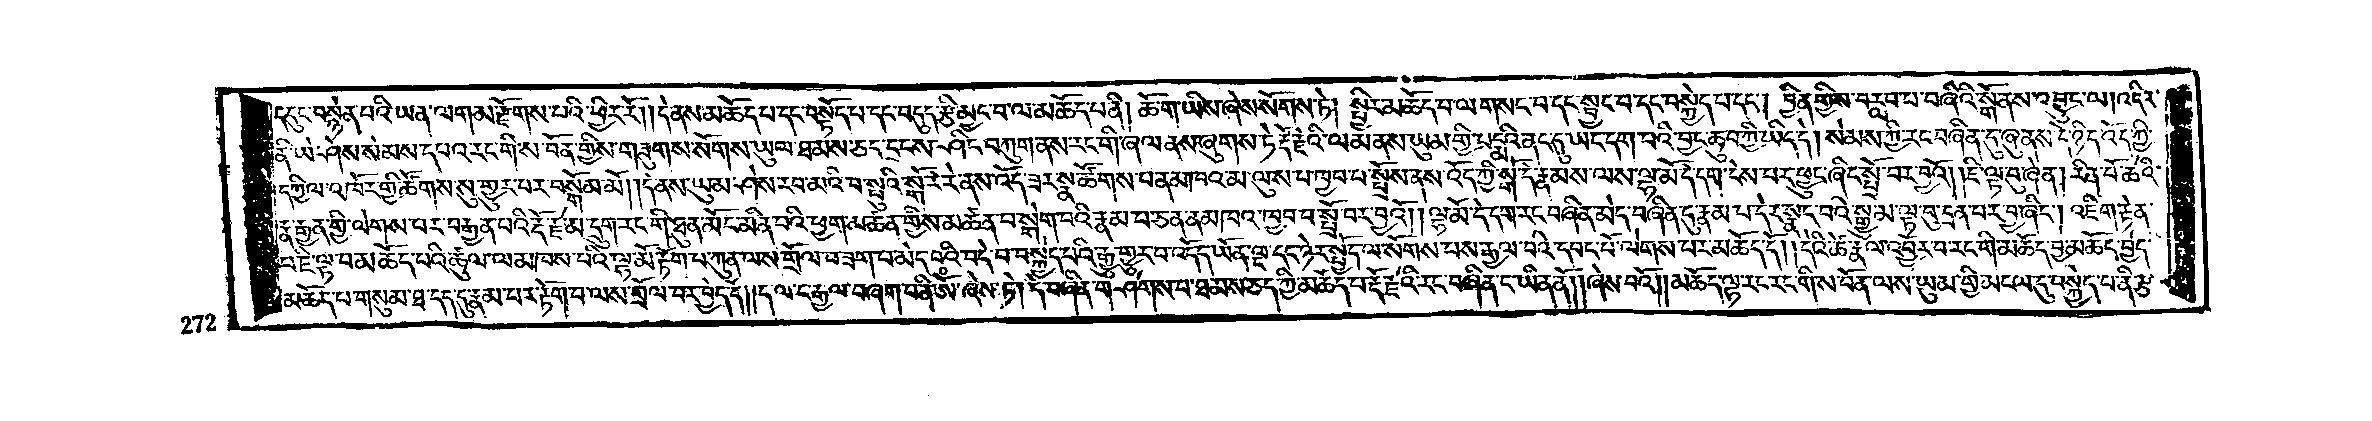དངུང་བསྙེན་པའི་ཡན་ལག་མ་རྫོགས་པའི་ཕྱིར་རོ། །དེ་ནས་མཆོད་པ་དང་བསྟོད་པ་དང་བདུད་རྩི་མྱང་བ་ལ་མཆོད་པ་ནི། ཆོ་ག་ཡིས་ཞེས་སོགས་ཏེ། སྤྱིར་མཆོད་པ་ལ་གསང་བ་དང་སྦྱང་བ་དང་བསྐྱེད་པ་དང་། བྱིན་གྱིས་བརླབ་པ་བཞིའི་སྒོ་ནས་འབྱུང་ལ། འདིར་
ནི་ཡེ་ཤེས་སེམས་དཔའ་རང་གི་ས་བོན་གྱིས་གཟུགས་སོགས་ཡུལ་ཐམས་ཅད་དྲངས་ཤིང་བཀུག་ནས་རང་གི་ཞལ་ནས་ཞུགས་ཏེ་རྡོ་རྗེའི་ལམ་ནས་ཡུམ་གྱི་པདམའི་ནང་དུ་ཡང་དག་པའི་བྱང་ཆུབ་ཀྱི་ཡིད་དེ། སེམས་ཀྱི་རང་བཞིན་དུ་ཞུ་ནས་དེ་ཉིད་འོད་ཀྱི་
དཀྱིལ་འཁོར་གྱི་ཚོགས་སུ་གྱུར་པར་བསྒོམ་མོ། །དེ་ནས་ཡུམ་ཤེས་རབ་མའི་བ་སྤུའི་སྒོ་རེ་རེ་ནས་འོད་ཟེར་སྣ་ཚོགས་པ་ནམ་མཁའ་མ་ལུས་པ་ཁྱབ་པ་སྤྲོས་ནས་འོད་ཀྱི་སྒོ་དེ་རྣམས་ལས་ལྷ་མོ་དེ་དག་ངེས་པར་ཕྱུང་ཞིང་སྤྲོ་བར་བྱའོ། །ཇི་ལྟ་བུ་ཞེ་ན། རིན་པོ་ཆེའི་
རྣ་རྒྱན་གྱི་ལེགས་པར་བརྒྱན་པའི་རྡོ་རྗེ་མ་དྲུག་རང་གི་ཐུན་མོང་མིན་པའི་ཕྱག་མཚན་གྱིས་མཚན་པ་སྒེག་པའི་རྣམ་པ་ཅན་ནམ་མཁའ་ཁྱབ་པ་སྤྲོ་བར་བྱའོ། །ལྷ་མོ་དེ་དག་རང་བཞིན་མེད་བཞིན་དུ་རྣམ་པ་དེར་སྣང་བའི་སྒྱུ་མ་ལྟ་བུ་དྲན་པར་བྱ་ཞིང་། འཇིག་རྟེན་
པ་ཇི་ལྟ་བ་མཆོད་པའི་ཚུལ་ལ་མཁས་པའི་ལྷ་མོ་རྟོག་པ་ཀུན་ལས་གྲོལ་བ་ཟག་པ་མེད་པའི་བདེ་བ་བསྐྱེད་པའི་རྒྱུ་གྱུར་པ་འདོད་ཡོན་ལྔ་དང་ཉེར་སྤྱོད་ལ་སོགས་པས་རྒྱལ་བའི་དབང་པོ་ལེགས་པར་མཆོད་དོ། །དེའི་ཚེ་རྣལ་འབྱོར་པ་རང་གི་མཆོད་བྱ་མཆོད་བྱེད་
མཆོད་པ་གསུམ་ཐ་དད་དུ་རྣམ་པར་རྟོག་པ་ལས་གྲོལ་བར་བྱེད་དོ། །ད་ལ་ང་རྒྱལ་བཞག་པ་ནི་ཨོཾ་ཞེས་ཏེ། དེ་བཞིན་གཤེགས་པ་ཐམས་ཅད་ཀྱི་མཆོད་པ་རྡོ་རྗེའི་རང་བཞིན་ང་ཡིན་ནོ། །ཞེས་པའོ། །མཆོད་ལྟ་རང་རང་གི་ས་བོན་ལས་ཡུམ་གྱི་མངལ་དུ་བསྐྱེད་པ་ནི་རྩ་